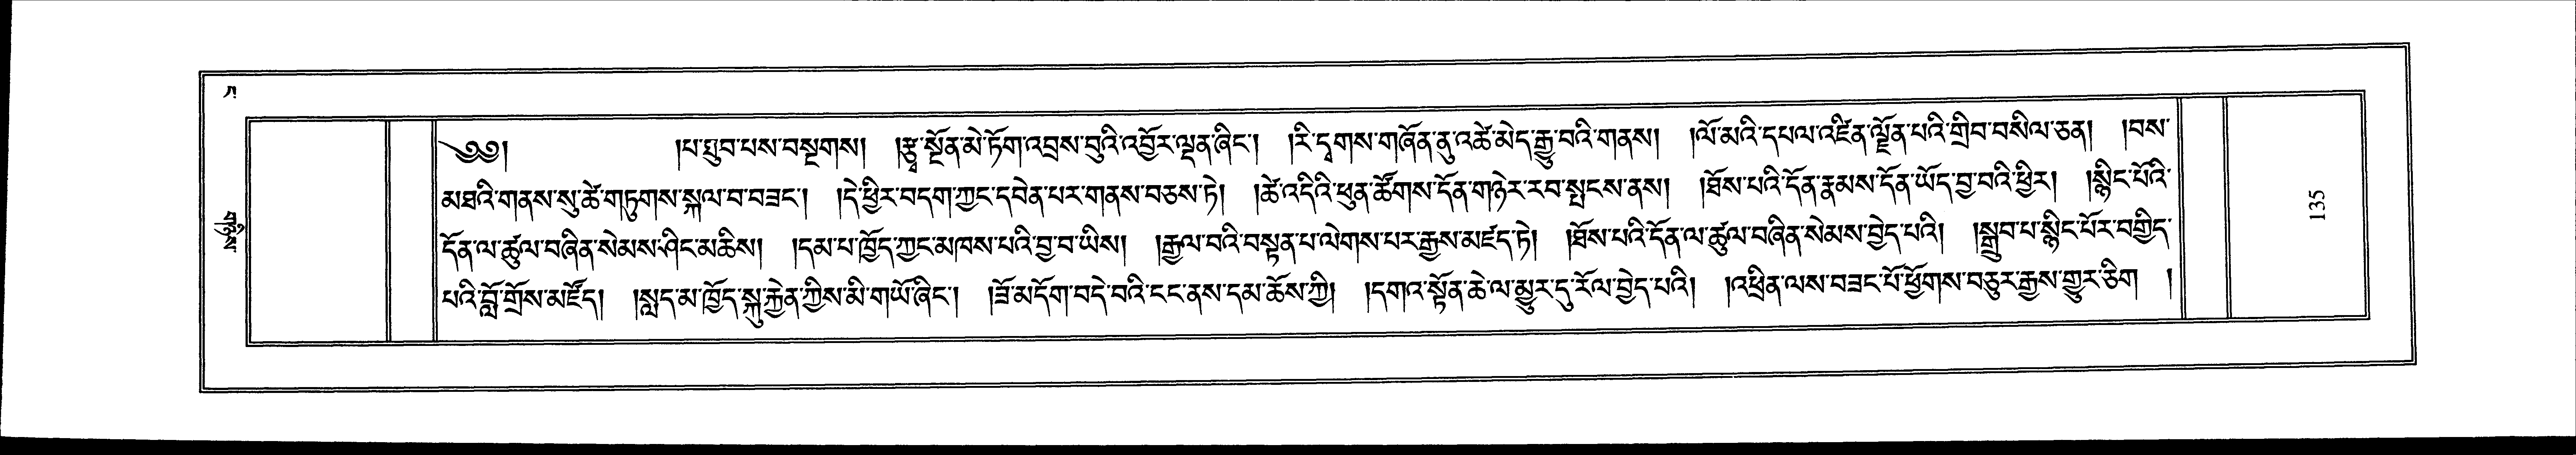༄༅། །པ་ཐུབ་པས་བསྔགས། །རྩྭ་སྔོན་མེ་ཏོག་འབྲས་བུའི་འབྱོར་ལྡན་ཞིང་། །རི་དྭགས་གཞོན་ནུ་འཚེ་མེད་རྒྱུ་བའི་གནས། །ལོ་མའི་དཔལ་འཛིན་ལྗོན་པའི་གྲིབ་བསིལ་ཅན། །བས་
མཐའི་གནས་སུ་ཚེ་གཏུགས་སྐལ་བ་བཟང་། །དེ་ཕྱིར་བདག་ཀྱང་དབེན་པར་གནས་བཅས་ཏེ། །ཚེ་འདིའི་ཕུན་ཚོགས་དོན་གཉེར་རབ་སྤངས་ནས། །ཐོས་པའི་དོན་རྣམས་དོན་ཡོད་བྱ་བའི་ཕྱིར། །སྙིང་པོའི་
དོན་ལ་ཚུལ་བཞིན་སེམས་ཤིང་མཆིས། །དམ་པ་ཁྱོད་ཀྱང་མཁས་པའི་བྱ་བ་ཡིས། །རྒྱལ་བའི་བསྟན་པ་ལེགས་པར་རྒྱས་མཛད་ཏེ། །ཐོས་པའི་དོན་ལ་ཚུལ་བཞིན་སེམས་བྱེད་པའི། །སྒྲུབ་པ་སྙིང་པོར་བགྱིད་
པའི་བློ་གྲོས་མཛོད། །སླད་མ་ཁྱོད་སྐུ་རྐྱེན་ཀྱིས་མི་གཡོ་ཞིང་། །ཟོ་མདོག་བདེ་བའི་ངང་ནས་དམ་ཆོས་ཀྱི། །དགའ་སྟོན་ཆེ་ལ་མྱུར་དུ་རོལ་བྱེད་པའི། །འཕྲིན་ལས་བཟང་པོ་ཕྱོགས་བཅུར་རྒྱས་གྱུར་ཅིག །